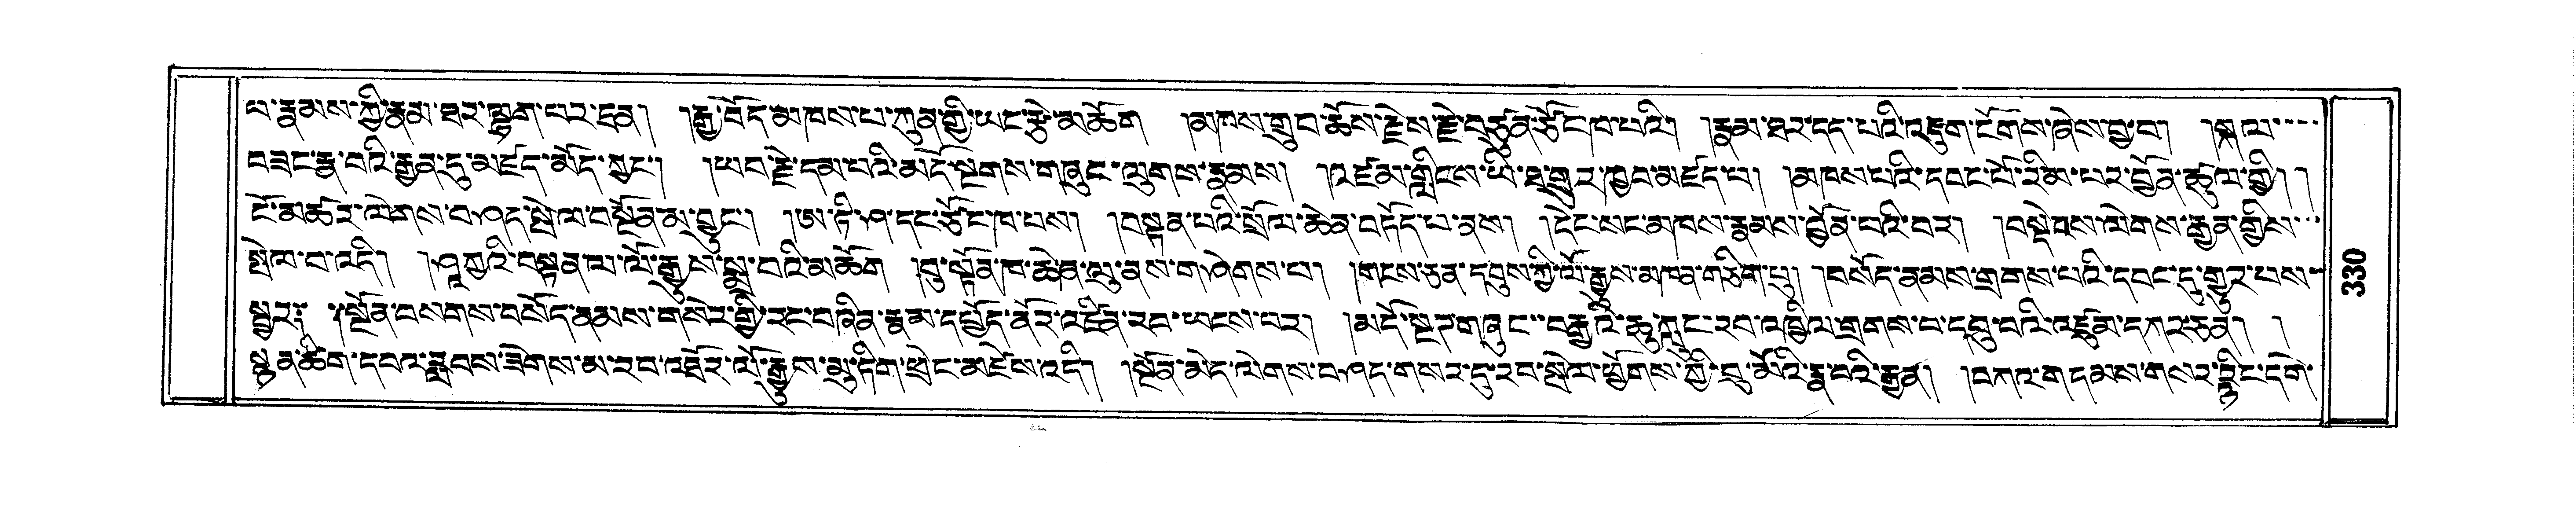པ་རྣམས་ཀྱི་རྣམ་ཐར་ལྷག་པར་དྲན། །རྒྱ་བོད་མཁས་པ་ཀུན་གྱི་ཡང་རྩེ་མཆོག །མཁས་གྲུབ་ཆོས་རྗེས་རྗེ་བཙུན་ཙོང་ཁ་པའི། །རྣམ་ཐར་དད་པའི་འཇུག་ངོགས་ཞེས་བྱ་བ། །སྐལ་
བཟང་རྣ་བའི་རྒྱན་དུ་མཛད་མོད་ཀྱང་། །ཡབ་རྗེ་དམ་པའི་མདོ་སྔགས་གཞུང་ལུགས་རྣམས། །འཛམ་གླིངས་ཡི་ཐ་གྲུར་ཁྱབ་མཛད་པ། །མཁས་པའི་དབང་པོ་རིམ་པར་བྱོན་ཚུལ་གྱི། །
ངོ་མཚར་ལེགས་བཤད་སྤེལ་བ་སྔོན་མ་བྱུང་། །ཨ་ཏི་ཤ་དང་ཙོང་ཁ་པས། །བསྟན་པའི་སྲོལ་ཆེན་བཏོད་པ་ནས། །དེང་སང་མཁས་རྣམས་བྱོན་པའི་བར། །བསྡེངས་ལེགས་རྒྱན་གྱིས་
སྤེལ་བ་འདི། །ཤཱཀྱའི་བསྟན་ལ་ལོ་རྒྱུས་སྨྲ་བའི་མཆོག །བུ་སྟོན་ཁ་ཆེན་ལུ་ནས་གཤེགས་པ། །གང་ཅན་དབུས་ཀྱི་ལོ་རྒྱུས་མཁན་གཅིག་པུ། །བསོད་ནམས་གྲགས་པའི་དབང་དུ་གྱུར་བས་
སྦྱར༑ ༑སྔོན་བསགས་བསོད་ནམས་གསེར་གྱི་རང་བཞིན་རྣམ་དཔྱོད་ནོར་འཛིན་རབ་ཡངས་པར། །མདོ་སྔཌ་གཞུང་བརྒྱའི་ཆུ་ཀླུང་རབ་འཁྱིལ་གྲགས་བ་དབུ་པའི་འཛུམ་དཀར་ཅན། །
སྙན་ཚིག་དབའ་རླབས་ཟེགས་མ་རབ་འཐོར་ལོ་རྒྱུས་མུ་ཏིག་ཕྲེང་མཛེས་འདི། །སྔོན་མེད་ལེགས་བཤད་གསར་དུ་རབ་སྤེལ་ཕྱོགས་ཀྱི་བུ་མོའི་རྣ་བའི་རྒྱན། །བཀའ་གདམས་གསར་རྙིང་དག་